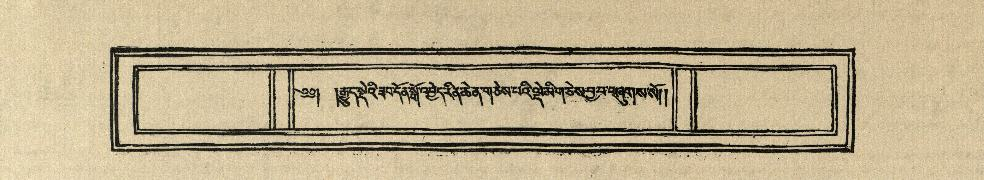༄༅། །རྒྱུད་སྡེའི་ཟབ་དོན་སྒོ་འབྱེད་རིན་ཆེན་གཅེས་པའི་ལྡེ་མིག་ཅེས་བྱ་བ་བཞུགས་སོ། །